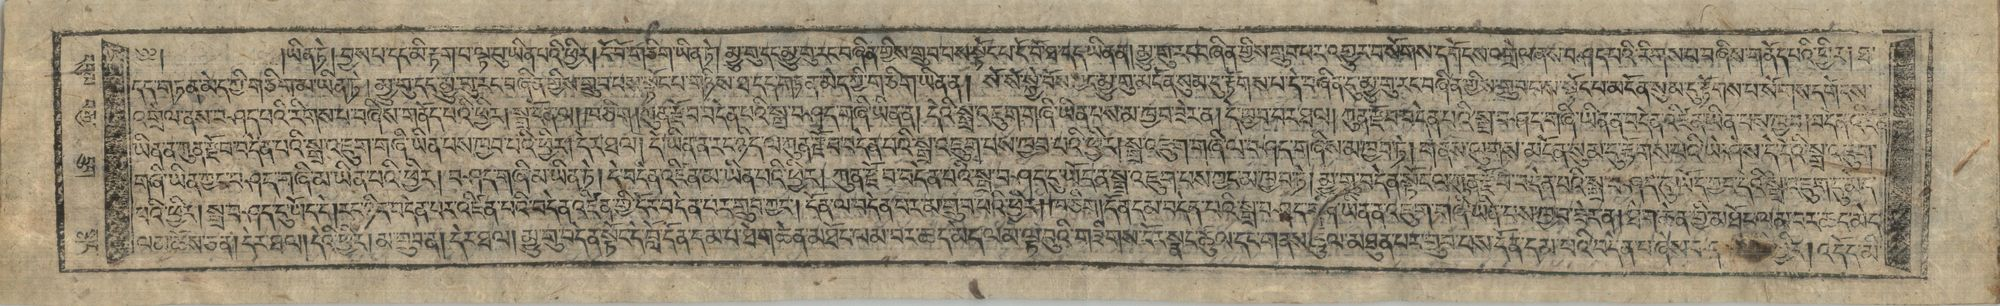༄༅། །ཡིན་ཏེ། བྱས་པ་དང་མི་རྟག་པ་ལྟ་བུ་ཡིན་པའི་ཕྱིར། ངོ་བོ་གཅིག་ཡིན་ཏེ། མྱུ་གུ་དང་མྱུ་གུ་རང་བཞིན་གྱིས་གྲུབ་པས་སྟོང་པ་ངོ་བོ་ཐ་དད་ཡིན་ན། མྱུ་གུ་རང་བཞིན་གྱིས་གྲུབ་པར་འགྱུར་བ་སོགས་དགོངས་འགྲེལ་ནས་བཤད་པའི་རིགས་པ་བཞིས་གནོད་པའི་ཕྱིར། ཐ་
དད་གཏན་མེད་ཀྱི་གཅིག་མ་ཡིན་ཏེ། མྱུ་གུ་དང་མྱུ་གུ་རང་བཞིན་གྱིས་གྲུབ་པས་སྟོང་པ་གཉིས་ཐ་དད་གཏན་མེད་ཀྱི་གཅིག་ཡིན་ན། སོ་སོ་སྐྱེ་བོས་ཀྱང་མྱུ་གུ་མངོན་སུམ་དུ་རྟོགས་པ་དེ་བཞིན་དུ་མྱུ་གུ་རང་བཞིན་གྱིས་གྲུབ་པས་སྟོང་པ་མངོན་སུམ་དུ་རྟོགས་པ་སོགས་དགོངས་
འགྲེལ་ནས་བཤད་པའི་རིགས་པ་བཞིས་གནོད་པའི་ཕྱིར། སྒྲ་དོན་ལ། ཁ་ཅིག །ཀུན་རྫོབ་བདེན་པའི་སྒྲ་བཤད་གཞི་ཡིན་ན། དེའི་སྒྲ་འཇུག་གཞི་ཡིན་པས་མ་ཁྱབ་ཟེར་ན། དེ་ཁྱབ་པར་ཐལ། ཀུན་རྫོབ་བདེན་པའི་སྒྲ་བཤད་གཞི་ཡིན་ན་བདེན་འཛིན་ཡིན་པས་ཁྱབ། བདེན་འཛིན་
ཡིན་ན་ཀུན་རྫོབ་བདེན་པའི་སྒྲ་འཇུག་གཞི་ཡིན་པས་ཁྱབ་པའི་ཕྱིར། དེར་ཐལ། དེ་ཡིན་ན་རང་ཉིད་ལ་ཀུན་རྫོབ་བདེན་པའི་སྒྲ་འཇུག་པས་ཁྱབ་པའི་ཕྱིར། སྒྲ་འཇུག་གཞི་ལ་བཤད་གཞིསྨ་ཁྱབ་ཏེ། གནས་ལུགས་མངོན་སུམ་དུ་རྟོགས་པའི་ཡེ་ཤེས་དེ་དེའི་སྒྲ་འཇུག་
གཞི་ཡིན་ཀྱང་བཤད་གཞི་མ་ཡིན་པའི་ཕྱིར། བཤད་གཞི་མ་ཡིན་ཏེ། དེ་བདེན་འཛིན་མ་ཡིན་པའི་ཕྱིར། ཀུན་རྫོབ་བདེན་པའི་སྒྲ་བཤད་དུ་ཡོད་ན་སྒྲ་འཇུག་པས་ཀྱང་མ་ཁྱབ་ཏེ། མྱུ་གུ་བདེན་སྟོང་པ་ཀུན་རྫོབ་བདེན་པའི་སྒྲ་བཤད་དུ་ཡོད་ཀྱང་དེའི་སྒྲ་འཇུག་དུ་མེད་
པའི་ཕྱིར། སྒྲ་བཤད་དུ་ཡོད་དེ། རང་ཉིད་བདེན་པར་འཛིན་པའི་བདེན་འཛིན་གྱི་ངོར་བདེན་པར་གྲུབ་ཀྱང་། དོན་ལ་བདེན་པར་མ་གྲུབ་པའི་ཕྱིར། ཁ་ཅིག །དོན་དམ་བདེན་པའི་སྒྲ་བཤད་གཞི་ཡིན་ན་འཇུག་གཞི་ཡིན་པས་ཁྱབ་ཟེར་ན། ཐེག་ཆེན་གྱི་མཐོང་ལམ་བར་ཆད་མེད་
ལམ་ཆོས་ཅན། དེར་ཐལ། དེའི་ཕྱིར། མ་གྲུབ་ན། དེར་ཐལ། མྱུ་གུ་བདེན་སྟོང་དེ་བློ་དོན་དམ་པ་ཐེག་ཆེན་མཐོང་ལམ་བར་ཆད་མེད་ལམ་ལྟ་བུའི་གཟིགས་ངོར་སྣང་ཚུལ་དང་གནས་ཚུལ་མཐུན་པར་གྲུབ་པས་དོན་དམ་པའི་བདེན་པ་ཞེས་བཤད་པའི་ཕྱིར། འདོད་མི་